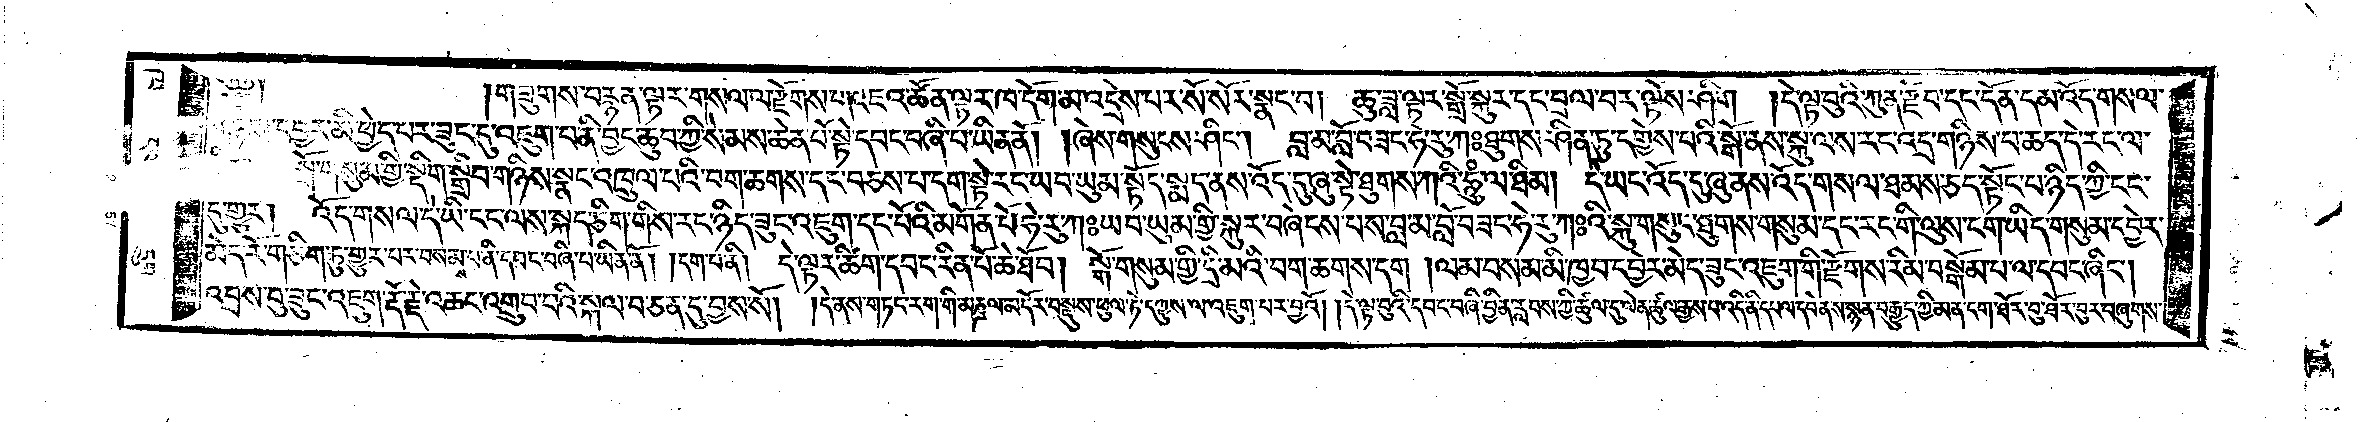༄༅། །གཟུགས་བརྙན་ལྟར་གསལ་ལ་རྫོགས་པ་།འཇའ་ཚོན་ལྟར་ཁ་དོག་མ་འདྲེས་པར་སོ་སོར་སྣང་བ། ཆུ་ཟླ་ལྟར་སྒྲོ་སྐུར་དང་བྲལ་བར་ལྟེས་ཤིག །དེ་ལྟ་བུའི་ཀུན་རྫོབ་དང་དོན་དམ་འོད་གསལ་
གཉིས་དབྱར་མི་ཕྱེད་པར་ཟུང་དུ་འཇུག་པ་ནི་བྱང་ཆུབ་ཀྱི་སེམས་ཆེན་པོ་སྟེ་དབང་བཞི་པ་ཡིན་ནོ། །ཞེས་གསུངས་ཤིང་། བླ་མ་བློ་བཟང་ཧེ་རུ་ཀཿཐུགས་ཤིན་ཏུ་དགྱེས་པའི་སྒོ་ནས་སྐུ་ལས་རང་འདྲ་གཉིས་པ་ཆད་དེ་རང་ལ་
ཤིན་ཏུ་དགྱེ་སྒོ་གསུམ་གྱི་སྡིག་སྒྲིབ་གཉིས་སྣང་འཁྲུལ་པའི་བག་ཆགས་དང་བཅས་པ་དག་སྟེ་རང་ཡབ་ཡུམ་སྟོད་སྨད་ནས་འོད་དུ་ཞུ་སྟེ་ཐུགས་ཀའི་ཧཱུཾ་ལ་ཐིམ། དེ་ཡང་འོད་དུ་ཞུ་ནས་འོད་གསལ་ཐམས་ཅད་སྟོང་པ་ཉིད་ངང་
དུ་གྱུར། འོད་གསལ་དེ་ཡི་ངང་ལས་སྐད་ཅིག་གིས་རང་ཉིད་ཟུང་འཇུག་དང་པོའི་མགོན་པོ་ཧེ་རུ་ཀཿཡམ་ཡུམ་གྱི་སྐུར་བཞེངས་པས་བླ་མ་བློ་བཟང་ཧེ་རུ་ཀཿའི་སྐུ་གསུང་ཐུགས་གསུམ་དང་རང་གི་ལུས་ངག་ཡིད་གསུམ་དབྱེར་
མེད་རོ་གཅིག་ཏུ་གྱུར་པར་བསམས་པ་ནི་དབང་བཞི་པ་ཡིན་ནོ། །དག་པ་ནི།  དེ་ལྟར་ཚིག་དབང་རིན་པོ་ཆེ་ཐོབ། སྒོ་གསུམ་གྱི་དྲི་མའི་བག་ཆགས་དག །ལམ་བསམ་མི་ཁྱབ་དབྱེར་མེད་ཟུང་འཇུག་གི་རྫོགས་རིམ་བསྒོམ་པ་ལ་དབང་ཞིང་།
འབྲས་བུ་ཟུང་འཇུག་རྡོ་རྗེ་འཆང་འགྲུབ་པའི་སྐལ་བ་ཅན་དུ་བྱས་སོ། །དེ་ནས་གཏང་རག་གི་མཎྜལ་མདོར་བསྡུས་ཕུལ་ཏེ་དཀྱུས་ལ་འཇུག་པར་བྱའོ། །དེ་ལྟ་བུའི་དབང་བཞི་བྱིན་རླབས་ཀྱི་ཚུལ་དུ་ལེན་ཚུལ་རྒྱས་པ་འདི་ནི་དཔལ་དབེན་ས་སྙན་བརྒྱུད་ཀྱི་མན་ངག་ཐོར་བུར་བཞུགས་